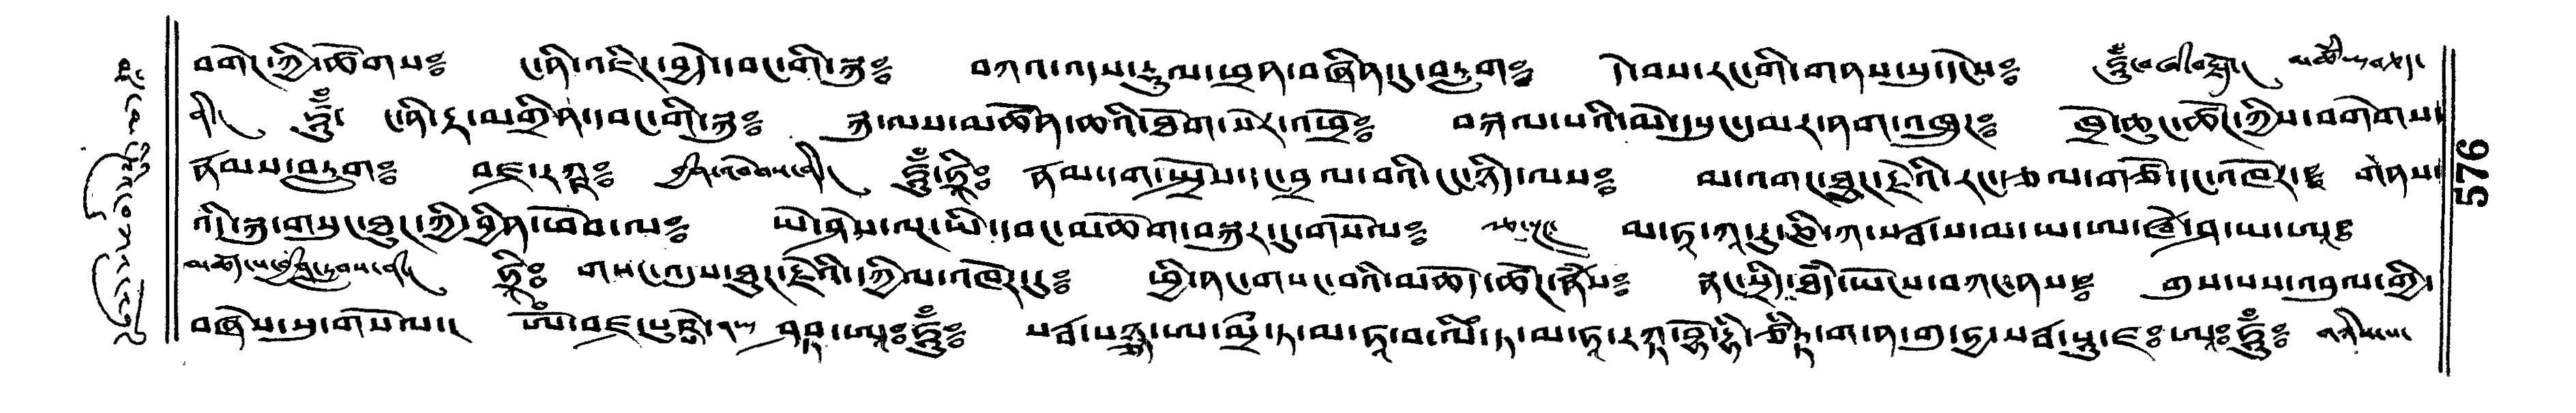བགེགས་ཀྱི་ཚོགས༔ ང་ནི་འཇིགས་བྱེད་དབང་གི་སྐུ༔ བཀའ་འདས་རྡུལ་ཕྲན་བཞིན་དུ་བརླག༔ དེ་བས་རང་གི་གནས་སུ་དེངས༔ ཧཱུྃ་བཞི་བརྗོད། མཚམས་བཅད་
ནི། ཧཱུྃ༔ ང་ནི་རྟ་མགྲིན་དབང་གི་སྐུ༔ སྐུ་ལས་མཚོན་ཆའི་ཐོག་སེར་འཕྲོ༔ བསྐལ་པའི་མེ་དཔུང་དམར་ནག་འཁྲུགས༔ ཁྲོ་ཆུང་ཚོགས་ཀྱིས་བགེགས་
རྣམས་བརླག༔ བཛྲ་རཀྴ༔ བྱིན་འབེབས་ནི། ཧཱུྃ་ཧྲཱི༔ རྣམ་དག་སྤྲོས་དང་བྲལ་བའི་ངང་ཉིད་ལས༔ མ་འགགས་ཐུགས་རྗེའི་རང་རྩལ་གཙོ་དང་འཁོར༔ གནས་
འདིར་སྐུ་གསུང་ཐུགས་ཀྱི་བྱིན་ཕོབ་ལ༔ ཡེ་ཤེས་ལྔ་ཡི་དབང་མཆོག་བསྐུར་དུ་གསོལ༔ རྩ་སྔགས། མ་ཧཱ་ཀཱ་རུ་ཎི་ཀ་སརྦ་ས་མ་ཡ་ཨ་ཝེ་ཤ་ཡ་ཨ༔ 
མཆོད་པ་བྱིན་རླབས་ནི། ཧྲཱི༔ གསང་འདུས་ཐུགས་རྗེའི་དཀྱིལ་འཁོར་དུ༔ ཕྱི་ནང་གསང་བའི་མཆོད་ཚོགས་རྣམས༔ སྣང་སྲིད་ཐམས་ཅད་ཡོངས་བཀང་ནས༔ གུས་པས་འབུལ་གྱི་
བཞེས་སུ་གསོལ༔ཨོཾ་བཛྲ་པུུཥྤེ་ནས། ཤབྟ་ཨཱཿཧཱུྃ༔ སརྦ་པཉྩ་ཨ་མྲྀ་ཏ་མ་ཧཱ་བ་ལིཾ་ཏ་མ་ཧཱ་རཀྟ་བྷོ་དྷི་ཙིཏྟ་ག་ན་གུ་ཧྱ་སརྦ་པཱུ་ཛཿཨཱཿཧཱུྃ༔ གཉིས་པ་